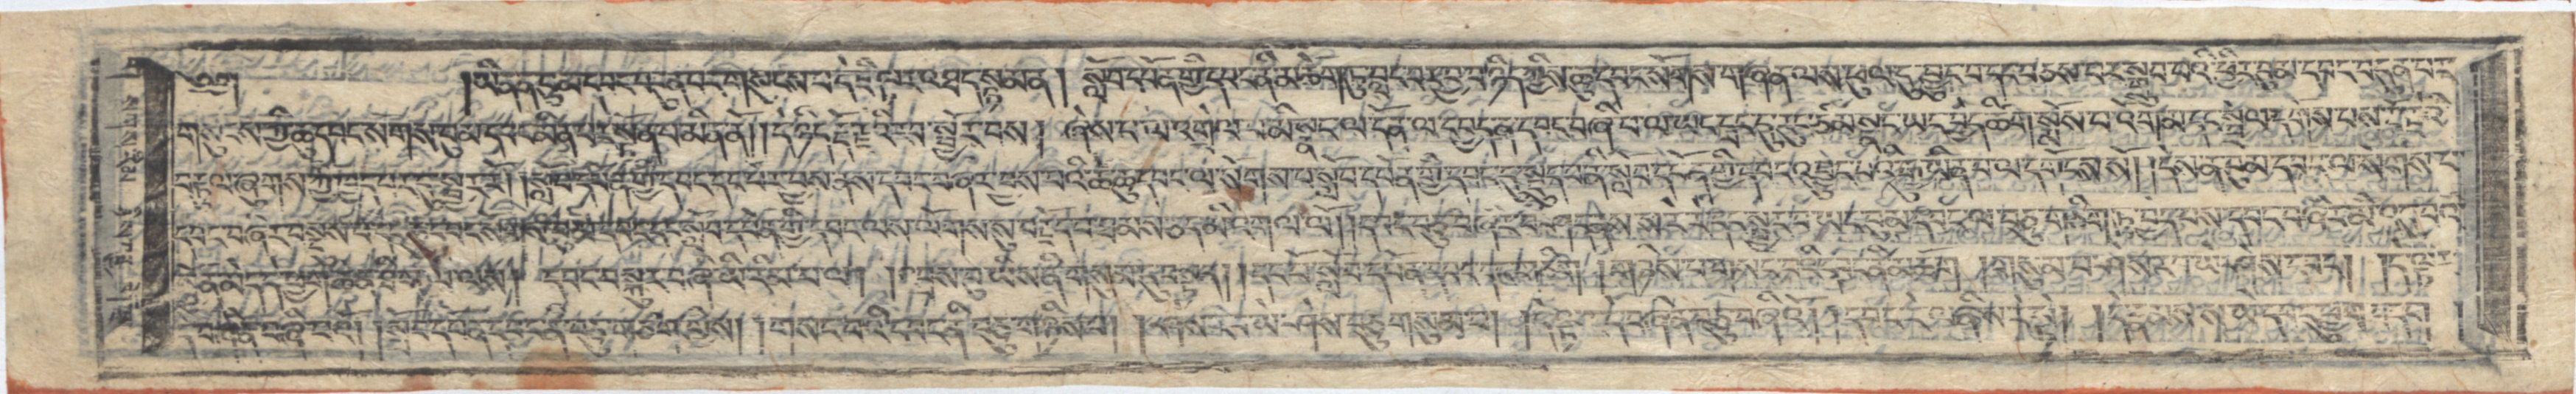༄༅། །ཡིན་ན་བུམ་དབང་བདུན་པར་གསུངས་པ་དེ་ཇི་ལྟར་འཐད་སྙམ་ན། སློབ་དཔོན་གྱི་དབང་ནི་མཆོག་ཏུ་བླང་བར་བྱ་བ་ཉིད་ཀྱིས་ཆུ་དབང་སོགས་གཞན་ལས་ཕུལ་དུ་བྱུང་བ་དང་བཅས་པར་སྒྲུབ་པའི་ཕྱིར་བུམ་དབང་བདུན་པར་
གསུངས་ཀྱི་ཆུ་དབང་སོགས་བུམ་དབང་མིན་པར་སྟོན་པ་མིན་ནོ། །དེ་ཉིད་རྡོ་རྗེའི་རབ་སྦྱོར་བས། ཞེས་པ་ལ་འགྲེལ་པ་མི་སྣང་ལ་དོན་ལ་དཔྱད་ན་དབང་བཞི་པ་ལ་ཡང་དྲང་དུ་རུང་ཙམ་སྣང་ཡང་བྱེད་ཚིག་སྨོས་པ་འོག་མ་དང་སྦྲེལ་དགོས་པས་རྡོ་རྗེའི་
བརྟུལ་ཞུགས་ཀྱི་ཁྱད་པར་དུ་སྦྱར་རོ། །སློབ་དཔོན་གྱི་དབང་དང་པོར་བྱས་ནས་དབང་བཞིར་བྱས་པའི་ཚེ་ཆུ་དབང་ལ་སོགས་པ་སློབ་དཔོན་གྱི་དབང་དུ་སྡུད་པ་ནི་སློབ་དཔོན་གྱི་དབང་འབྱུང་པའི་རྒྱུ་ཡིན་པ་ལ་དགོངས་སོ། །དེས་ན་བུམ་དབང་ལ་སོགས་པ་
དབང་བཞིར་བསྡུས་པ་དང་ཆུ་དབང་སོགས་བུམ་དབང་དང་སློབ་དཔོན་གྱི་དབང་ལས་ལོགས་སུ་བརྗོད་པ་ཐམས་ཅད་མི་འགལ་ལོ། །དབང་བཅུ་བཞིར་བཤད་ནས་ས་རེ་རེ་དང་སྦྱར་བ་ཡང་བུམ་དབང་ལ་བཅུ་གཅིག་ཏུ་བྱེད་པས་དབང་བཞིར་མི་འདུ་བའི་
སྐྱོན་མེད་དེ་ཕྱག་ཆེན་ཐིག་ལེ་ལས། དབང་བསྐུར་བཞི་ཡི་རིམ་པ་ལ། །འབྲས་བུ་ཡིས་ནི་གསུམ་དུ་བསྟན། །དང་པོ་སློབ་དཔོན་དབང་དང་གཅིག །གཉིས་པ་གསང་བའི་དབང་ནི་མཆོག །གསུམ་པ་ཤེས་རབ་ཡེ་ཤེས་དབང་། །དེ་ལྟར་
དེ་བཞིན་བཞི་པའོ། །སློབ་དཔོན་དབང་ནི་བཅུ་གཅིག་གྱིས། །གསང་བའི་དབང་ནི་བཅུ་གཉིས་པ། །ཤེས་རབ་ཡེ་ཤེས་བཅུ་གསུམ་པ། །དེ་ལྟར་དེ་བཞིན་བཅུ་བཞིའོ། །དབང་རེ་ལ་ནི་ས་རེ་སྟེ། །དེ་རྣམས་ས་ཡེ་དབང་ཕྱུག་པ་དག །